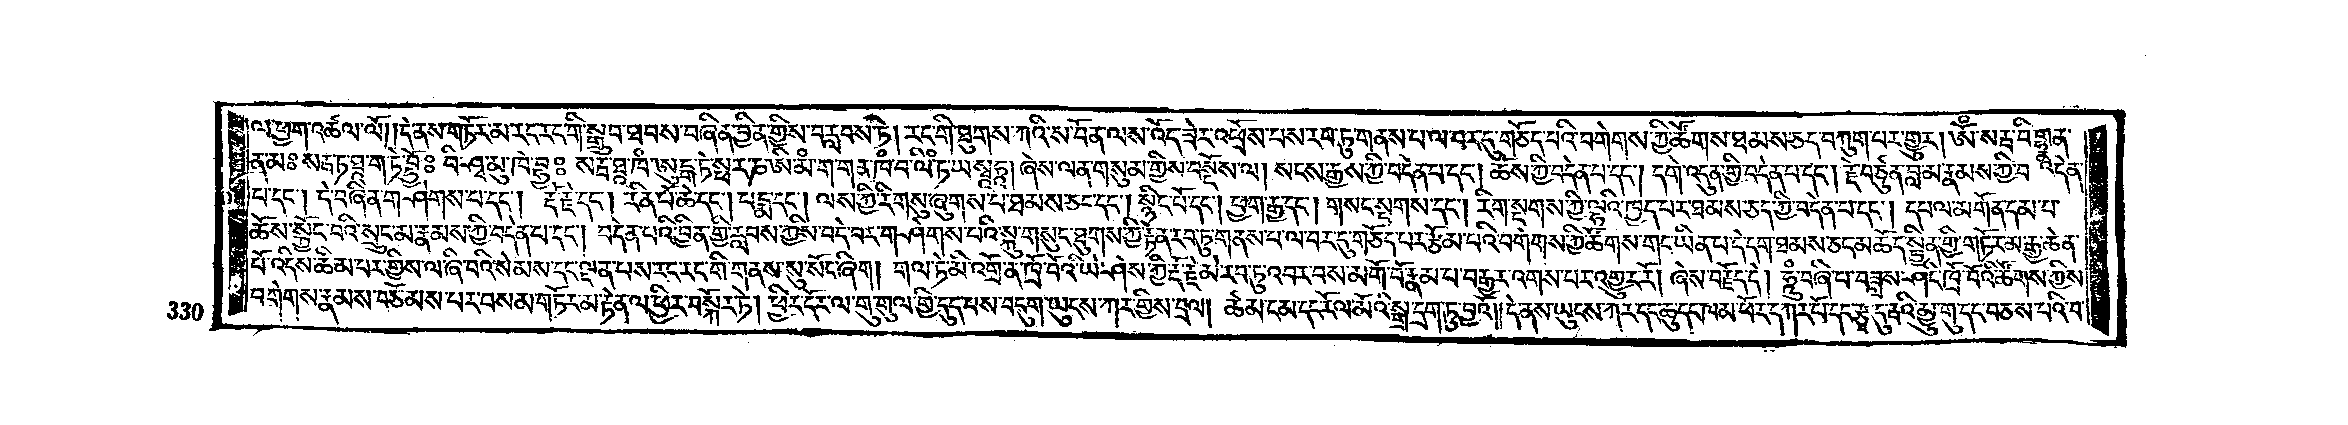ལ་ཕྱག་འཚལ་ལོ། །དེ་ནས་གཏོར་མ་རང་རང་གི་སྒྲུབ་ཐབས་བཞིན་བྱིན་གྱིས་བརླབས་ཏེ། རང་གི་ཐུགས་ཀའི་ས་བོན་ལས་འོད་ཟེར་འཕྲོས་པས་རབ་ཏུ་གནས་པ་ལ་བར་དུ་གཅོད་པའི་བགེགས་ཀྱི་ཚོགས་ཐམས་ཅད་བཀུག་པར་གྱུར། ཨོཾ་སརྦ་བིགྷྣཱན་
ན་མཿ སརྦ་ཏ་ཐཱ་ག་ཏེ་བྷྱོཿ བི་ཤྭ་མུ་ཁེ་བྷྱཿ སརྦ་ཐཱ་ཁཾ་ཨུདྷ་ཏེ་སྥ་ར་ཎ་ཨི་མཾ་ག་གན་ཁཾ་བ་ལིཾ་ཏ་ཡེ་སྭཱ་ཧཱ། ཞེས་ལན་གསུམ་གྱིས་བསྔོས་ལ། སངས་རྒྱས་ཀྱི་བདེན་པ་དང་། ཆོས་ཀྱི་བདེན་པ་དང་། དགེ་འདུན་གྱི་བདེན་པ་དང་། རྗེ་བཙུན་བླ་མ་རྣམས་ཀྱི་བདེན་
པ་དང་། དེ་བཞིན་གཤེགས་པ་དང་། རྡོ་རྗེ་དང་། རིན་པོ་ཆེ་དང་། པདམ་དང་། ལས་ཀྱི་རིགས་སུ་ཞུགས་པ་ཐམས་ཅད་དང་། སྙིང་པོ་དང་། ཕྱག་རྒྱ་དང་། གསང་སྔགས་དང་། རིག་སྔགས་ཀྱི་ལྷའི་ཁྱད་པར་ཐམས་ཅད་ཀྱི་བདེན་པ་དང་། དཔལ་མགོན་དམ་པ་
ཆོས་སྐྱོང་བའི་སྲུང་མ་རྣམས་ཀྱི་བདེན་པ་དང་། བདེན་པའི་བྱིན་གྱི་རླབས་ཀྱིས་བདེ་བར་གཤེགས་པའི་སྐུ་གསུང་ཐུགས་ཀྱི་རྟེན་རབ་ཏུ་གནས་པ་ལ་བར་དུ་གཅོད་པར་རྩོམ་པའི་བགེགས་ཀྱི་ཚོགས་གང་ཡིན་པ་དེ་དག་ཐམས་ཅད་མཆོད་སྦྱིན་གྱི་གཏོར་མ་རྒྱ་ཆེན་
པོ་འདིས་ཚིམ་པར་གྱིས་ལ་ཞི་བའི་སེམས་དང་ལྡན་པས་རང་རང་གི་གནས་སུ་སོང་ཞིག །གལ་ཏེ་མི་འགྲོ་ན་ཁྲོ་བོའི་ཡེ་ཤེས་ཀྱི་རྡོ་རྗེ་མེ་རབ་ཏུ་འབར་བས་མགོ་བོ་རྣམ་པ་བརྒྱར་འགས་པར་འགྱུར་རོ། ཞེས་བརྗོད་དེ། ཧཱུཾ་བཞི་པ་བཟླས་ཤིང་ཁྲོ་བོའི་ཚོགས་ཀྱིས་
བགེགས་རྣམས་བཅོམས་པར་བསམ་གཏོར་མ་རྟེན་ལ་ཕྱིར་བསྐོར་ཏེ། ཕྱིར་དོར་ལ་གུ་གུལ་གྱི་དུད་པས་བདུག་ཡུངས་ཀར་གྱིས་བྲལ། ཚམ་ངམ་དང་རོལ་མོའི་སྒྲ་དྲག་ཏུ་བྱའོ། །དེ་ནས་ཡུངས་ཀར་དང་ཆུ་དང་ལམ་ཕོར་དཀར་པོ་དང་རྩྭ་དུ་རྦའི་མྱུ་གུ་དང་བཅས་པའི་བ་